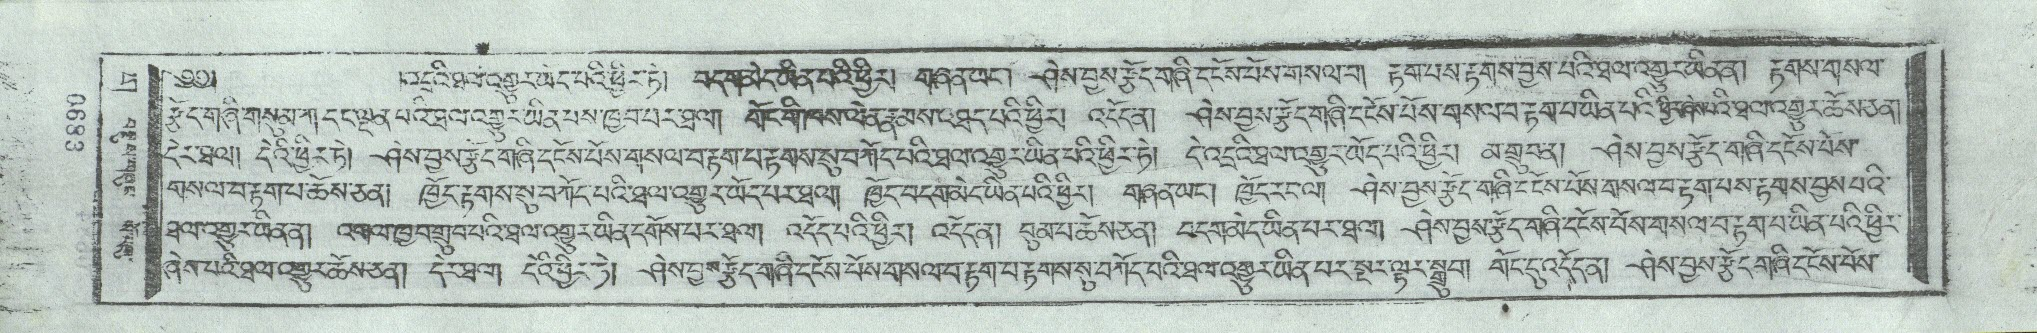༄༅། །འདྲའི་ཐལ་འགྱུར་ཡོད་པའི་ཕྱིར་ཏེ། བདག་མེད་ཡིན་པའི་ཕྱིར། གཞན་ཡང་། ཤེས་བྱས་རྩོད་གཞི་དངོས་པོས་གསལ་བ། རྟག་པས་རྟགས་བྱས་པའི་ཐལ་འགྱུར་ཡིན་ན། རྟགས་གསལ་
རྩོད་གཞི་གསུམ་ཀ་དང་ལྡན་པའི་ཐལ་འགྱུར་ཡིན་པས་ཁྱབ་པར་ཐལ། གོང་གི་ཁས་ལེན་རྣམས་འཐད་པའི་ཕྱིར། འདོད་ན། ཤེས་བྱས་རྩོད་གཞི་དངོས་པོས་གསལ་བ་རྟག་པ་ཡིན་པའི་ཕྱིར་ཞེས་པའི་ཐལ་འགྱུར་ཆོས་ཅན།
དེར་ཐལ། དེའི་ཕྱིར་ཏེ། ཤེས་བྱས་རྩོད་གཞི་དངོས་པོས་གསལ་བརྟག་པ་རྟགས་སུ་བཀོད་པའི་ཐལ་འགྱུར་ཡིན་པའི་ཕྱིར་ཏེ། དེ་འདྲའི་ཐལ་འགྱུར་ཡོད་པའི་ཕྱིར། མ་གྲུབ་ན། ཤེས་བྱས་རྩོད་གཞི་དངོས་པོས་
གསལ་བ་རྟག་པ་ཆོས་ཅན། ཁྱོད་རྟགས་སུ་བཀོད་པའི་ཐལ་འགྱུར་ཡོད་པར་ཐལ། ཁྱོད་བདག་མེད་ཡིན་པའི་ཕྱིར། གཞན་ཡང་། ཁྱོད་རང་ལ། ཤེས་བྱས་རྩོད་གཞི་དངོས་པོས་གསལ་བ་རྟག་པས་རྟགས་བྱས་པའི་
ཐལ་འགྱུར་ཡིན་ན། འགལ་ཁྱབ་གྲུབ་པའི་ཐལ་འགྱུར་ཡིན་དགོས་པར་ཐལ། འདོད་པའི་ཕྱིར། འདོད་ན། བུམ་པ་ཆོས་ཅན། བདག་མེད་ཡིན་པར་ཐལ། ཤེས་བྱས་རྩོད་གཞི་དངོས་པོས་གསལ་བ་རྟག་པ་ཡིན་པའི་ཕྱིར་
ཞེས་པའི་ཐལ་འགྱུར་ཆོས་ཅན། དེར་ཐལ། དེའི་ཕྱིར་ཏེ། ཤེས་བྱ་བརྩོད་གཞི་དངོས་པོས་གསལ་བ་རྟག་པ་རྟགས་སུ་བཀོད་པའི་ཐལ་འགྱུར་ཡིན་པར་སྔར་ལྟར་སྒྲུབ། གོང་དུ་འདོད་ན། ཤེས་བྱས་རྩོད་གཞི་དངོས་པོས་